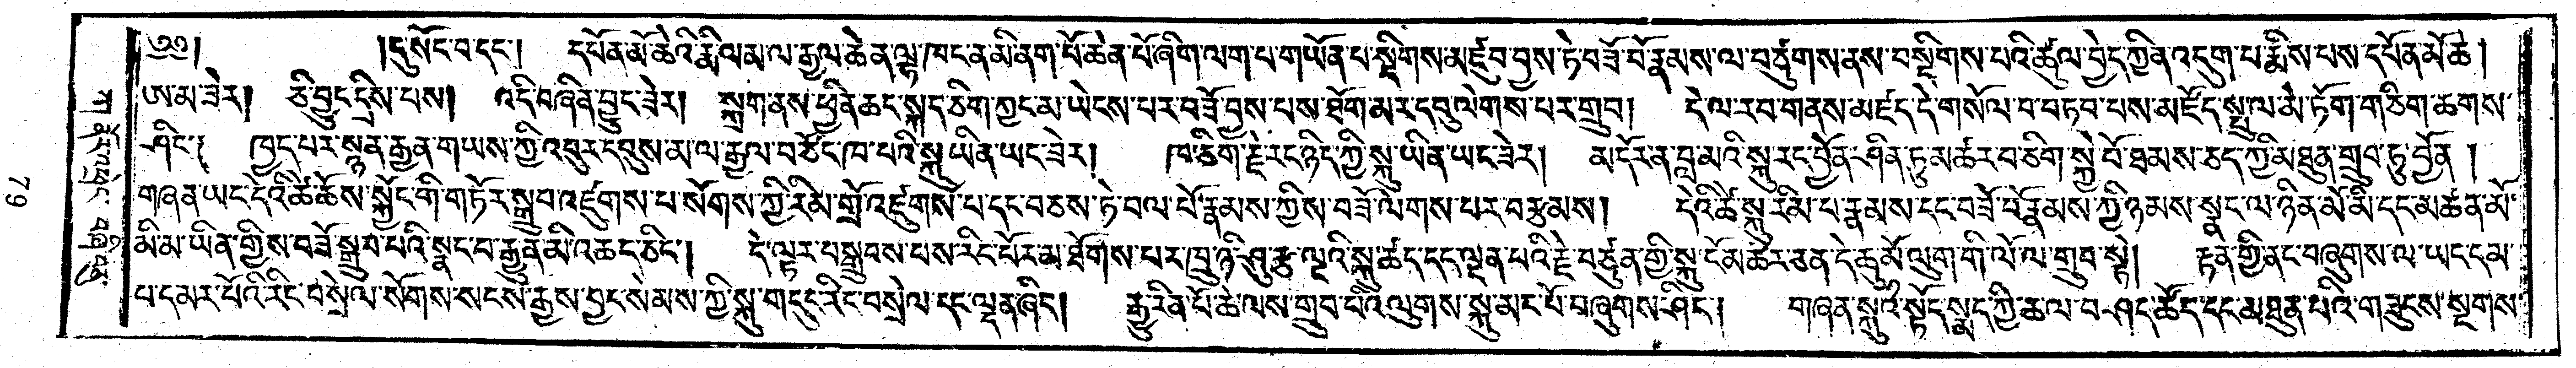༄༅། །དུ་སོང་བ་དང་། དཔོན་མོ་ཆེའི་རྨི་ལམ་ལ་རྒྱལ་ཆེན་ལྷ་ཁང་ན་མི་ནག་པོ་ཆེན་པོ་ཞིག་ལག་པ་གཡོན་པ་སྡིགས་མཛུབ་བྱས་ཏེ་བཟོ་བོ་རྣམས་ལ་བཙུགས་ནས་བསྡིགས་པའི་ཚུལ་བྱེད་ཀྱིན་འདུག་པ་རྨིས་པས་དཔོན་མོ་ཆེ།
ཨ་མ་ཟེར། ཅི་བྱུང་དྲིས་པས། འདི་བཞིན་བྱུང་ཟེར། སྐྲག་ནས་ཕྱིན་ཆང་སྐད་ཅིག་ཀྱང་མ་ཡེངས་པར་བཟོ་བྱས་པས་ཐོག་མར་དབུ་ལེགས་པར་གྲུབ། དེ་ལ་རབ་གནས་མཛད་དེ་གསོལ་བ་བཏབ་པས་མཛོད་སྤུ་ལ་མེ་ཏོག་གཅིག་ཆགས་
ཤིང༑ ཁྱད་པར་སྙན་རྒྱན་གཡས་ཀྱི་འབུར་དབུས་མ་ལ་རྒྱལ་བཙོང་ཁ་པའི་སྐུ་ཡིན་ཡང་ཟེར། ཁ་ཅིག་རྗེ་རང་ཉིད་ཀྱི་སྐུ་ཡིན་ཡང་ཟེར། མདོར་ན་བླ་མའི་སྐུ་རང་བྱོན་ཤིན་ཏུ་མཚར་བ་ཅིག་སྐྱེ་བོ་ཐམས་ཅད་ཀྱི་མཐུན་གྲུབ་ཏུ་བྱོན།
གཞན་ཡང་དེའི་ཚེ་ཆོས་སྐྱོང་གི་གཏོར་སྒྲུབ་འཛུགས་པ་སོགས་ཀྱི་རིམ་གྲོ་འཛུགས་པ་དང་བཅས་ཏེ་བལ་པོ་རྣམས་ཀྱིས་བཟོ་ལེགས་པར་བརྩམས། དེའི་ཚེ་སྐུ་རིམ་པ་རྣམས་དང་བཟོ་བོ་རྣམས་ཀྱི་ཉམས་སྣང་ལ་ཉིན་མོ་མི་དང་མཚན་མོ་
མི་མ་ཡིན་གྱིས་བཟོ་སྒྲུབ་པའི་སྣང་བ་རྒྱུན་མི་འཆད་ཅིང་། དེ་ལྟར་བསྒྲུབས་པས་རིང་པོར་མ་ཐོགས་པར་ཁྲུ་ཉི་ཤུ་རྩ་ལྔའི་སྐུ་ཚད་དང་ལྡན་པའི་རྗེ་བཙུན་གྱི་སྐུ་ངོ་མཚར་ཅན་དེ་ཆུ་མོ་ལུག་གི་ལོ་ལ་གྲུབ་སྟེ། རྟན་གྱི་ནང་བཞུགས་ལ་ཡང་དམ་
པ་དམར་པོའི་རིང་བསྲེལ་སོགས་སངས་རྒྱས་བྱང་སེམས་ཀྱི་སྐུ་གདུང་རིང་བསྲེལ་དང་ལྡན་ཞིང་། རྒྱུ་རིན་པོ་ཆེ་ལས་གྲུབ་པའི་ལུགས་སྐུ་མང་པོ་བཞུགས་ཤིང་། གཞན་སྐུའི་སྟོད་སྨད་ཀྱི་ཆ་ལ་བཤད་ཚོད་དང་མཐུན་པའི་གཟུངས་སྔགས་